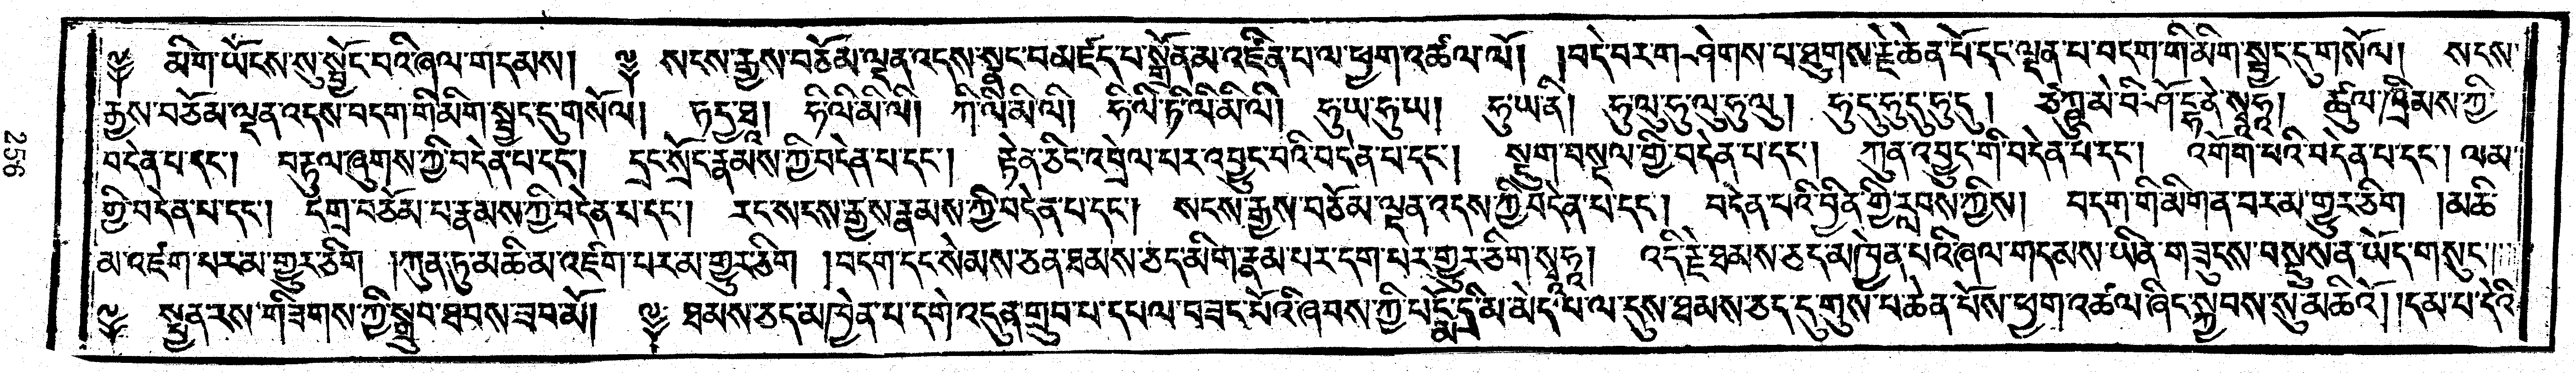༈ མིག་ཡོངས་སུ་སྦྱོང་བའི་ཞལ་གདམས། ༈ སངས་རྒྱས་བཅོམ་ལྡན་འདས་སྣང་བ་མཛད་པ་སྒྲོན་མ་འཛིན་པ་ལ་ཕྱག་འཚལ་ལོ། །བདེ་བར་གཤེགས་པ་ཐུགས་རྗེ་ཆེན་པོ་དང་ལྡན་པ་བདག་གི་མིག་སྦྱང་དུ་གསོལ། སངས་
རྒྱས་བཅོམ་ལྡན་འདས་བདག་གི་མིག་སྦྱང་དུ་གསོལ། ཏདྱ་ཐཱ། ཧི་ལི་མི་ལི། ཀི་ལི་མི་ལི། ཧི་ལི་ཏི་ལི་མི་ལི། ཧུ་ཡ་ཧུ་ཡ། ཧུ་ཡ་ནི། ཧུ་ལུ་ཧུ་ལུ་ཧུ་ལུ། ཧུ་དུ་ཧུ་དུ་ཧུ་དུ། ཙཀྵུ་མེ་བི་ཤོ་དྷ་ནེ་སྭཱ་ཧཱ། ཚུལ་ཁྲིམས་ཀྱི་
བདེན་པ་དང་། བརྟུལ་ཞུགས་ཀྱི་བདེན་པ་དང་། དྲང་སྲོང་རྣམས་ཀྱི་བདེན་པ་དང་། རྟེན་ཅིང་འབྲེལ་པར་འབྱུང་བའི་བདེན་པ་དང་། སྡུག་བསྔལ་གྱི་བདེན་པ་དང་། ཀུན་འབྱུང་གི་བདེན་པ་དང་། འགོག་པའི་བདེན་པ་དང་། ལམ་
གྱི་བདེན་པ་དང་། དགྲ་བཅོམ་པ་རྣམས་ཀྱི་བདེན་པ་དང་། རང་སངས་རྒྱས་རྣམས་ཀྱི་བདེན་པ་དང་། སངས་རྒྱས་བཅོམ་ལྡན་འདས་ཀྱི་བདེན་པ་དང་། བདེན་པའི་བྱིན་གྱི་རླབས་ཀྱིས། བདག་གི་མིག་ན་བར་མ་གྱུར་ཅིག །མཆི་
མ་འཛག་པར་མ་གྱུར་ཅིག །ཀུན་ཏུ་མཆི་མ་འཇིག་པར་མ་གྱུར་ཅིག །བདག་དང་སེམས་ཅན་ཐམས་ཅད་མིག་རྣམ་པར་དག་པར་གྱུར་ཅིག་སྭཱ་ཧཱ། འདི་རྗེ་ཐམས་ཅད་མཁྱེན་པའི་ཞལ་གདམས་ཡིན་གཟུངས་བསྡུས་ན་ཡོད་གསུང་།
༈ སྤྱན་རས་གཟིགས་ཀྱི་སྒྲུབ་ཐབས་ཟབ་མོ། ༈ ཐམས་ཅད་མཁྱེན་པ་དགེ་འདུན་གྲུབ་པ་དཔལ་བཟང་པོའི་ཞབས་ཀྱི་པདམོ་དྲི་མ་མེད་པ་ལ་དུས་ཐམས་ཅད་དུ་གུས་པ་ཆེན་པོས་ཕྱག་འཚལ་ཞིང་སྐྱབས་སུ་མཆིའོ། །དམ་པ་དེའི་